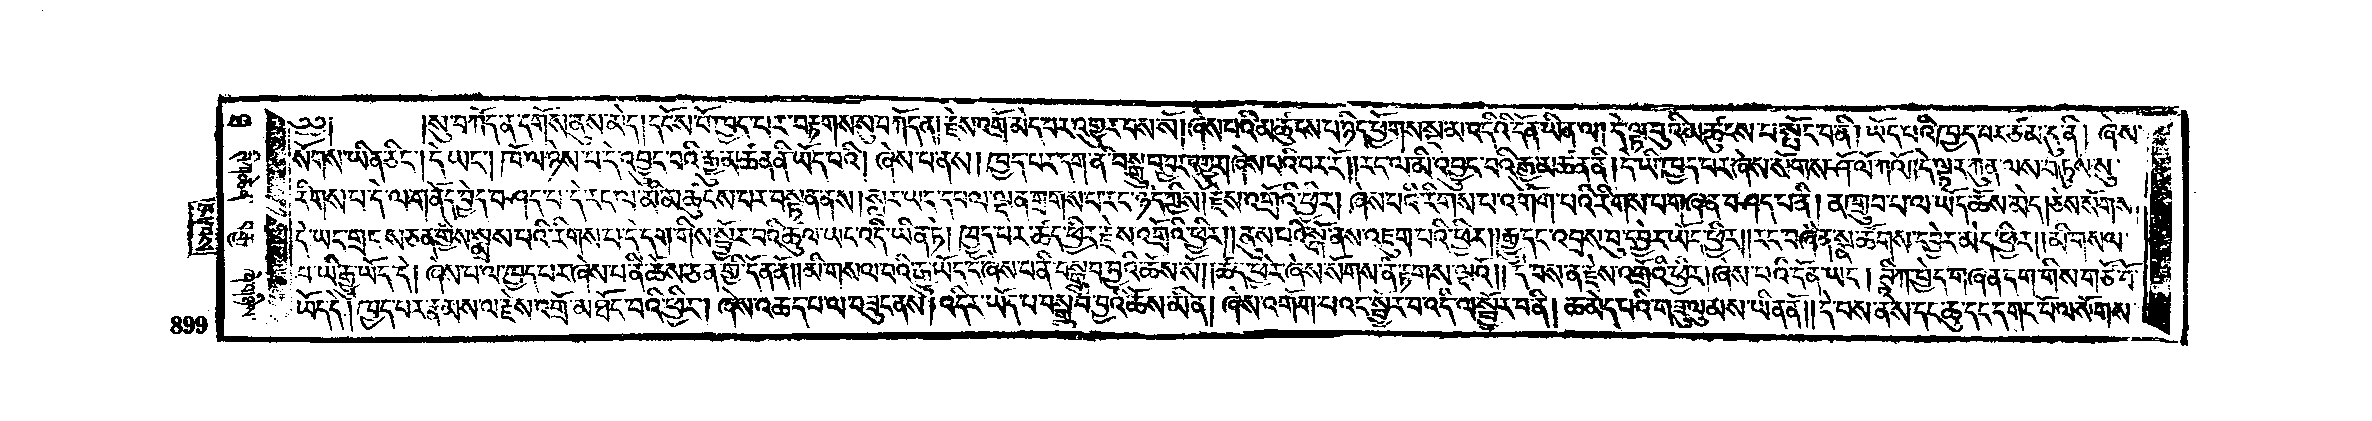༄༅། །སུ་བཀོད་ན་དགོས་ནུས་མེད། དངོས་པོ་ཁྱད་པར་བརྟགས་སུ་བཀོད་ན། རྗེས་འགྲོ་མེད་པར་འགྱུར་བས་སོ། ཞེས་པའི་མཚུངས་པ་ཉིད་ཕྱོགས་སྔ་མ་འདིའི་དོན་ཡིན་ལ། དེ་ལྟ་བུའི་མཚུངས་པ་སྤོང་བ་ནི། ཡོད་པའི་ཁྱད་པར་ཙམ་དུ་ནི། ཞེས་
སོགས་ཡིན་ཅིང་། དེ་ཡང་། ཁོ་ལ་ཉེས་པ་དེ་འབྱུང་བའི་རྒྱུ་མཚན་ནི་ཡོད་པའི། ཞེས་པ་ནས། ཁྱད་པར་དག་ནི་བསྒྲུབ་བྱར་འགྱུར། ཞེས་པའི་བར་རོ། །རང་ལ་མི་འབྱུང་བའི་རྒྱུ་མཚན་ནི། དེ་ཡི་ཁྱད་པར་ཞེས་སོགས་ཤོ་ལོ་ཀའོ། །དེ་ལྟར་ཀུན་ལས་བཏུས་སུ་
རིགས་པ་དེ་ལ་གནོད་བྱེད་བཤད་པ་དེ་རང་ལ་མི་མཚུངས་པར་བསྟན་ནས། སླར་ཡང་དཔལ་ལྡན་གྲགས་པ་རང་ཉིས་ཀྱིས། རྗེས་འགྲོའི་ཕྱིར། ཞེས་པའི་རིགས་པ་འགོག་པའི་རིགས་པ་གཞན་བཤད་པ་ནི། མ་གྲུབ་པ་ལ་ཡོད་ཆོས་མེད། ཅེས་སོགས་
དེ་ཡང་གྲངས་ཅན་གྱིས་སྨྲས་པའི་རིགས་པ་དེ་དག་གིས་སྦྱོར་བའི་ཚུལ་ཡང་འདི་ཡིན་ཏེ། ཁྱད་པར་ཚད་ཕྱིར་རྗེས་འགྲོའི་ཕྱིར། །ནུས་པའི་སྒོ་ནས་འཇུག་པའི་ཕྱིར། །རྒྱུ་དང་འབྲས་བུ་དབྱེར་ཡོད་ཕྱིར། །རང་བཞིན་སྣ་ཚོགས་དབྱེར་མེད་ཕྱིར། །མི་གསལ་
པ་ཡི་རྒྱུ་ཡོད་དེ། ཞེས་པ་ལ་ཁྱད་པར་ཞེས་པ་ནི་ཆོས་ཅན་གྱི་དོན་ནོ། །མི་གསལ་བའི་རྒྱུ་ཡོད་དོ་ཞེས་པ་ནི་བསྒྲུབ་བྱའི་ཆོས་སོ། །ཚད་ཕྱིར་ཞེས་སོགས་ནི་རྟགས་ལྔའོ། །དེ་བས་ན་རྗེས་འགྲོའི་ཕྱིར། ཞེས་པའི་དོན་ཡང་། ཊཱིཀ་བྱེད་གཞན་དག་གིས་གཙོ་བོ་
ཡོད་དེ། ཁྱད་པར་རྣམས་ལ་རྗེས་འགྲོ་མཐོང་བའི་ཕྱིར། ཞེས་འཆད་པ་ལ་བཟུང་ནས། འདིར་ཡོད་པ་བསྒྲུབ་བྱའི་ཆོས་མིན། ཞེས་འགོག་པའང་སྦྱོར་བ་འདི་ལ་སྦྱོར་བ་ནི། ཆ་མེད་པའི་གཟུ་ལུམས་ཡིན་ནོ། །དེ་བས་ན་ས་དང་ཆུ་དང་དགང་པོ་ལ་སོགས་